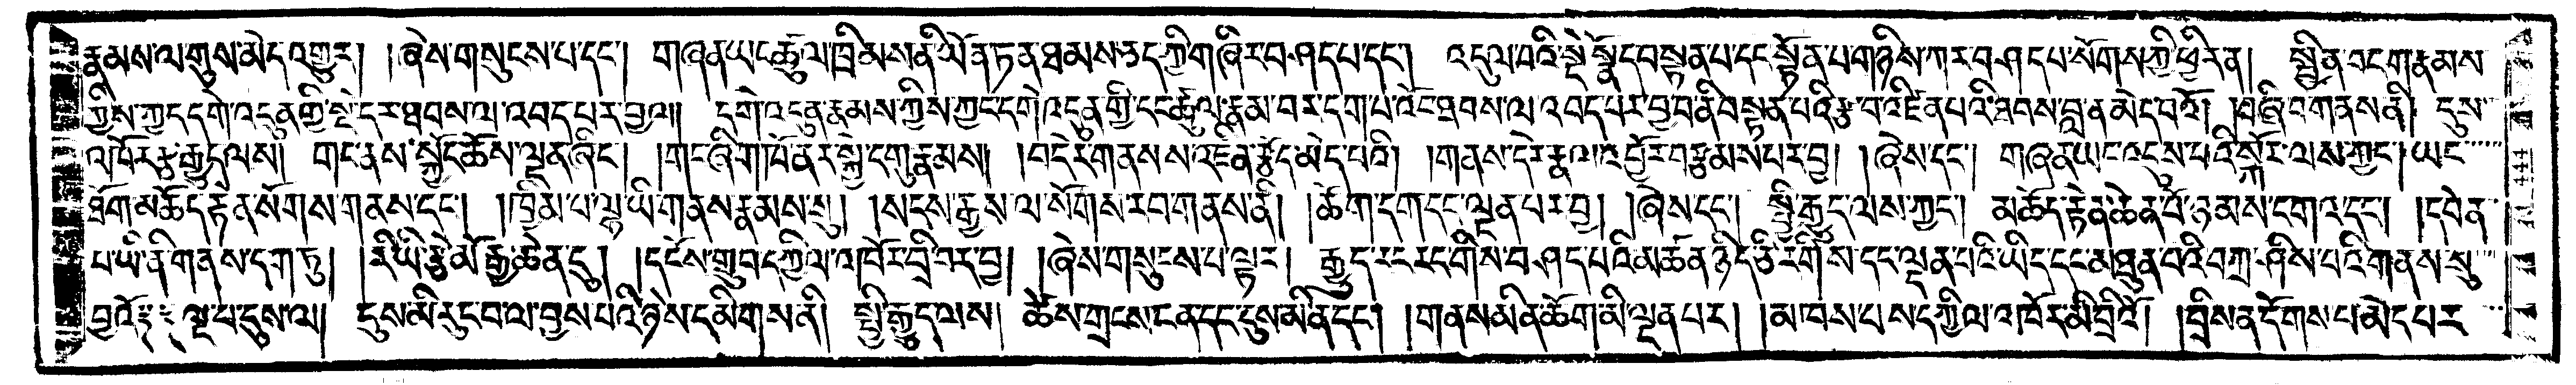རྣམས་ལ་གུས་མེད་འགྱུར། །ཞེས་གསུངས་པ་དང་། གཞན་ཡང་ཚུལ་ཁྲིམས་ནི་ཡོན་ཏན་ཐམས་ཅད་ཀྱི་གཞིར་བཤད་པ་དང་། འདུལ་བའི་སྡེ་སྣོད་བསྟན་པ་དང་སྟོན་པ་གཉིས་ཀར་བཤད་པ་སོགས་ཀྱི་ཕྱིར་ན། སྦྱིན་བདག་རྣམས་
ཀྱིས་ཀྱང་དགེ་འདུན་གྱི་སྡེ་དར་ཐབས་ལ་འབད་པར་བྱལ། དགེ་འདུན་རྣམས་ཀྱིས་ཀྱང་དགེ་འདུན་གྱི་དང་ཚུལ་རྣམ་པར་དག་པ་འོང་ཐབས་ལ་འབད་པར་བྱ་བ་ནི་བསྟན་པའི་རྩ་བ་འཛིན་པའི་ཐབས་བླ་ན་མེད་པའོ། །བཞིབ་གནས་ནི། དུས་
འཁོར་རྩ་རྒྱུད་ལས། གང་ནས་སྐྱོང་ཆོས་ལྡན་ཞིང་། །གང་ཞིག་ཁོ་ནར་སྐྱེ་དགུ་རྣམས། །བདེར་གནས་ས་འཇེན་རྩོད་མེད་པའི། །གནས་དེར་རྣལ་འབྱོར་བརྩམས་པར་བྱ། །ཞེས་དང་། གཞན་ཡང་འདུས་པའི་སྐོར་ལས་ཀྱང་། ཡང་
ཐོག་མཆོད་རྟེན་སོགས་གནས་དང་། །ཁྱིམ་པ་ལྷ་ཡི་གནས་རྣམས་སུ། །སངས་རྒྱས་ལ་སོགས་རབ་གནས་ནི། །ཚོག་དག་དང་ལྡན་པར་བྱ། །ཞེས་དང་། སྤྱི་རྒྱུད་ལས་ཀྱང་། མཆོད་རྟེན་ཆེན་པོ་ཉམས་དགའ་དང་། །དབེན་
པ་ཡི་ནི་གནས་དག་ཏུ། །རི་ཡི་རྩེ་མོ་རྒྱ་ཆེན་དུ། །དངོས་གྲུབ་དཀྱིལ་འཁོར་བྲི་བར་བྱ། །ཞེས་གསུངས་པ་ལྟར། རྒྱུད་རང་རང་གིས་བཤད་པའི་མཚན་ཉིད་ཅི་རིགས་དང་ལྡན་པའི་ཡིད་དང་མཐུན་པའི་བཀྲ་ཤིས་བའི་གནས་སུ་
བྱའོ། །ལྔ་པ་དུས་ལ། དུས་མི་རུང་བ་ལ་བྱས་པའི་ཉེས་དམིགས་ནི། སྤྱི་རྒྱུད་ལས། ཚེས་གྲངས་ངན་དང་དུས་མིན་དང་། །གནས་མིན་ཆོག་མི་ལྡན་པར། །མཁས་པས་དཀྱིལ་འཁོར་མི་བྲིའོ། །བྲིས་ན་དོགས་པ་མེད་པར་